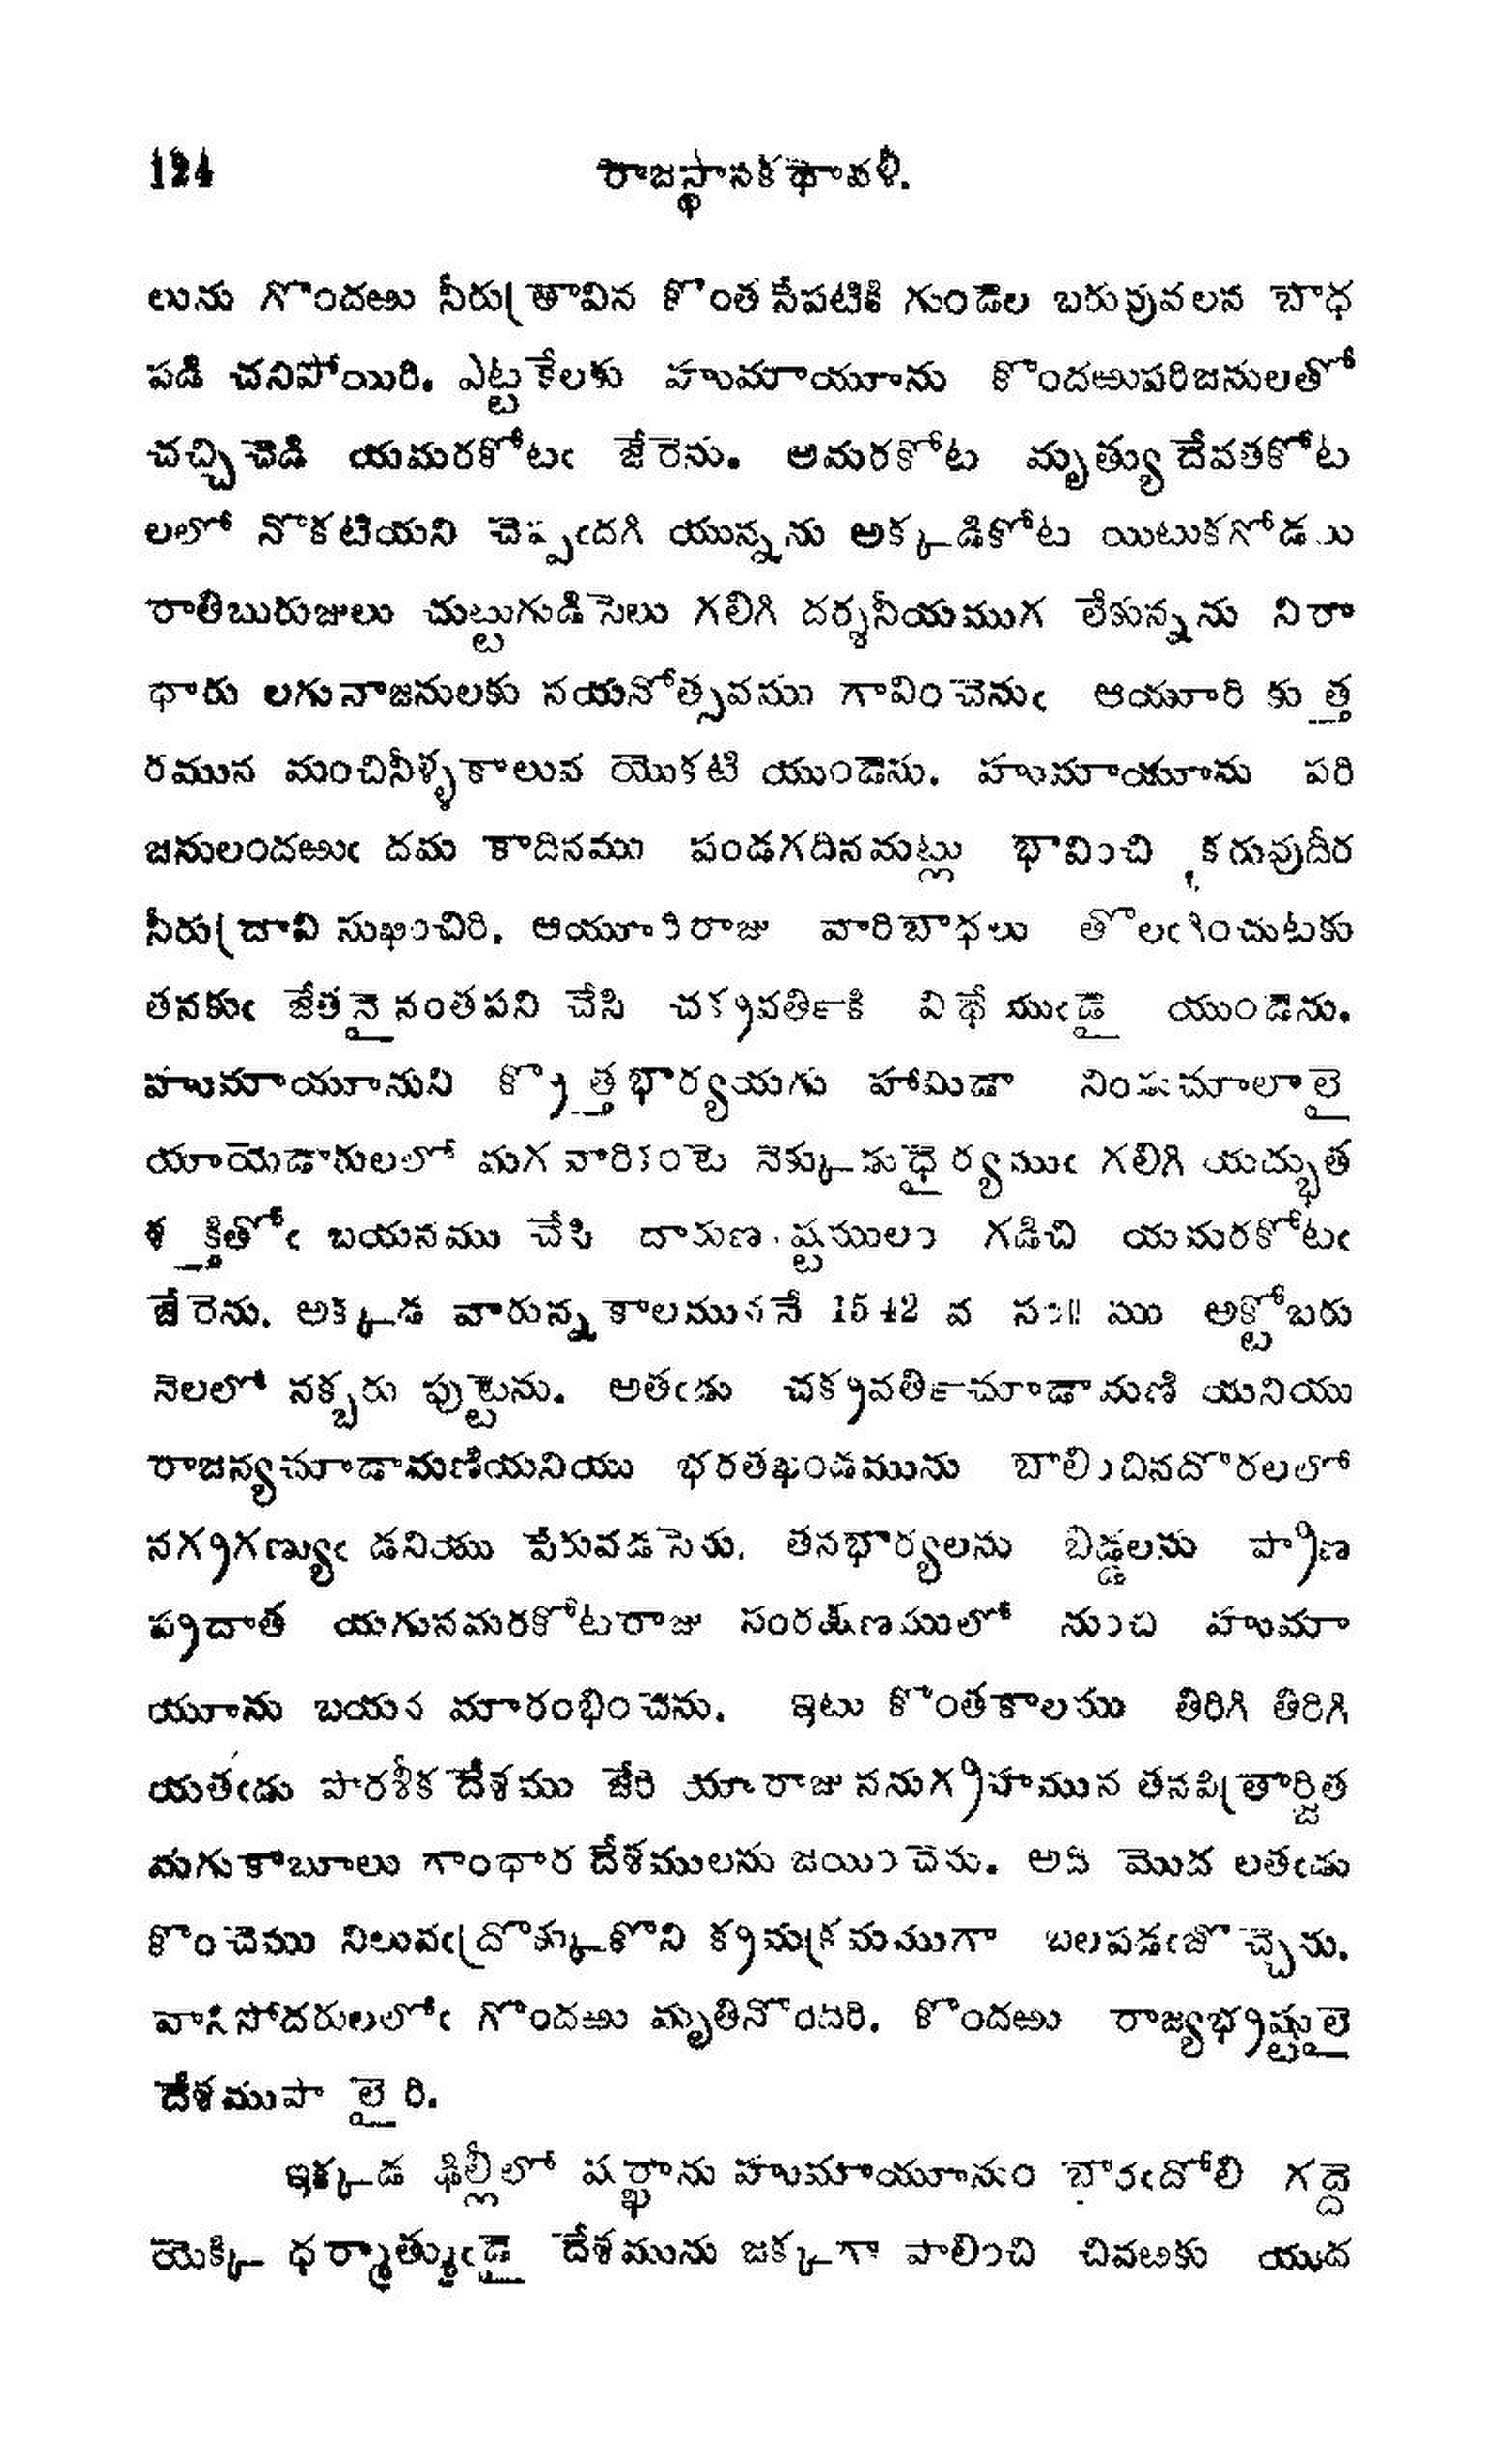లును గొందఱు నీరు త్రావిన కొంత సేపటికి గుండెల బరువువలన బాధపడి చనిపోయిరి. ఎట్టకేలకు హుమాయూను కొందఱుపరిజనులతో
చచ్చిచెడి యమరకోటఁ జేరెను. అమరకోట మృత్యు దేవతకోటలలో నొకటియని చెప్పఁదగి యున్నను అక్కడికోట యిటుక గోడలు
రాతిబురుజులు చుట్టుగుడిసెలు గలిగి దర్శనీయముగ లేకున్నను నిరాధారు లగు నాజనులకు నయనోత్సవము గావించెనుఁ ఆయూరి కుత్త
రమున మంచినీళ్ళ కాలువ యొకటి యుండెను. హుమాయూను పరిజనులందఱుఁ దమ కాదినము పండగదినమట్లు భావించి కరువుదీర
నీరు ద్రావి సుఖించిరి. ఆయూరి రాజు వారి బాధలు తొలగించుటకు తనకుఁ జేతనైనంత పని చేసి చక్రవతి౯కి విధేయుఁడై యుండెను.
హుమాయూనుని కొత్త భార్యయగు హామిడా నిండు చూలాలై యాయెడారులలో మగ వారికంటె నెక్కుడు ధైర్యముఁ గలిగి యద్భుత శక్తితోఁ బయనము చేసి దారుణ కష్టములం గడిచి యమరకోటఁ జేరెను. అక్కడ వారున్న కాలముననే 1542 వ సం౹౹ ము అక్టోబరు నెలలో నక్బరు పుట్టెను. అతఁడు చక్రవతి౯ చూడామణి యనియు రాజన్య చూడామణియనియు భరతఖండమును బాలించినదొరలలో నగ్రగణ్యుఁ డనియు పేరువడసెను. తన భార్యలను బిడ్డలను ప్రాణప్రదాత యగునమరకోట రాజు సంరక్షణములో నుంచి హుమాయూను బయన మారంభించెను. ఇటు కొంతకాలము తిరిగి తిరిగి యతఁడు పారశీక దేశము జేరి యారాజు ననుగ్రహమున తనపిత్రార్జిత మగుకాబూలు గాంధార దేశములను జయించెను. అవి మొద లతఁడు కొంచెము నిలువఁదొక్కుకొని క్రమక్రమముగా బలపడఁబొచ్చెను, వాని సోదరులలోఁ గొందఱు మృతినొందిరి. కొందఱు రాజ్యభ్రష్టులై దేశముపాలైరి.

ఇక్కడ ఢిల్లీలో షర్ఖ్హాను హుమాయూనుం బారఁదోలి గద్దె యెక్కి ధర్మాత్ముఁడై 'దేశమును జక్కగా పాలించి చివఱకు యుద